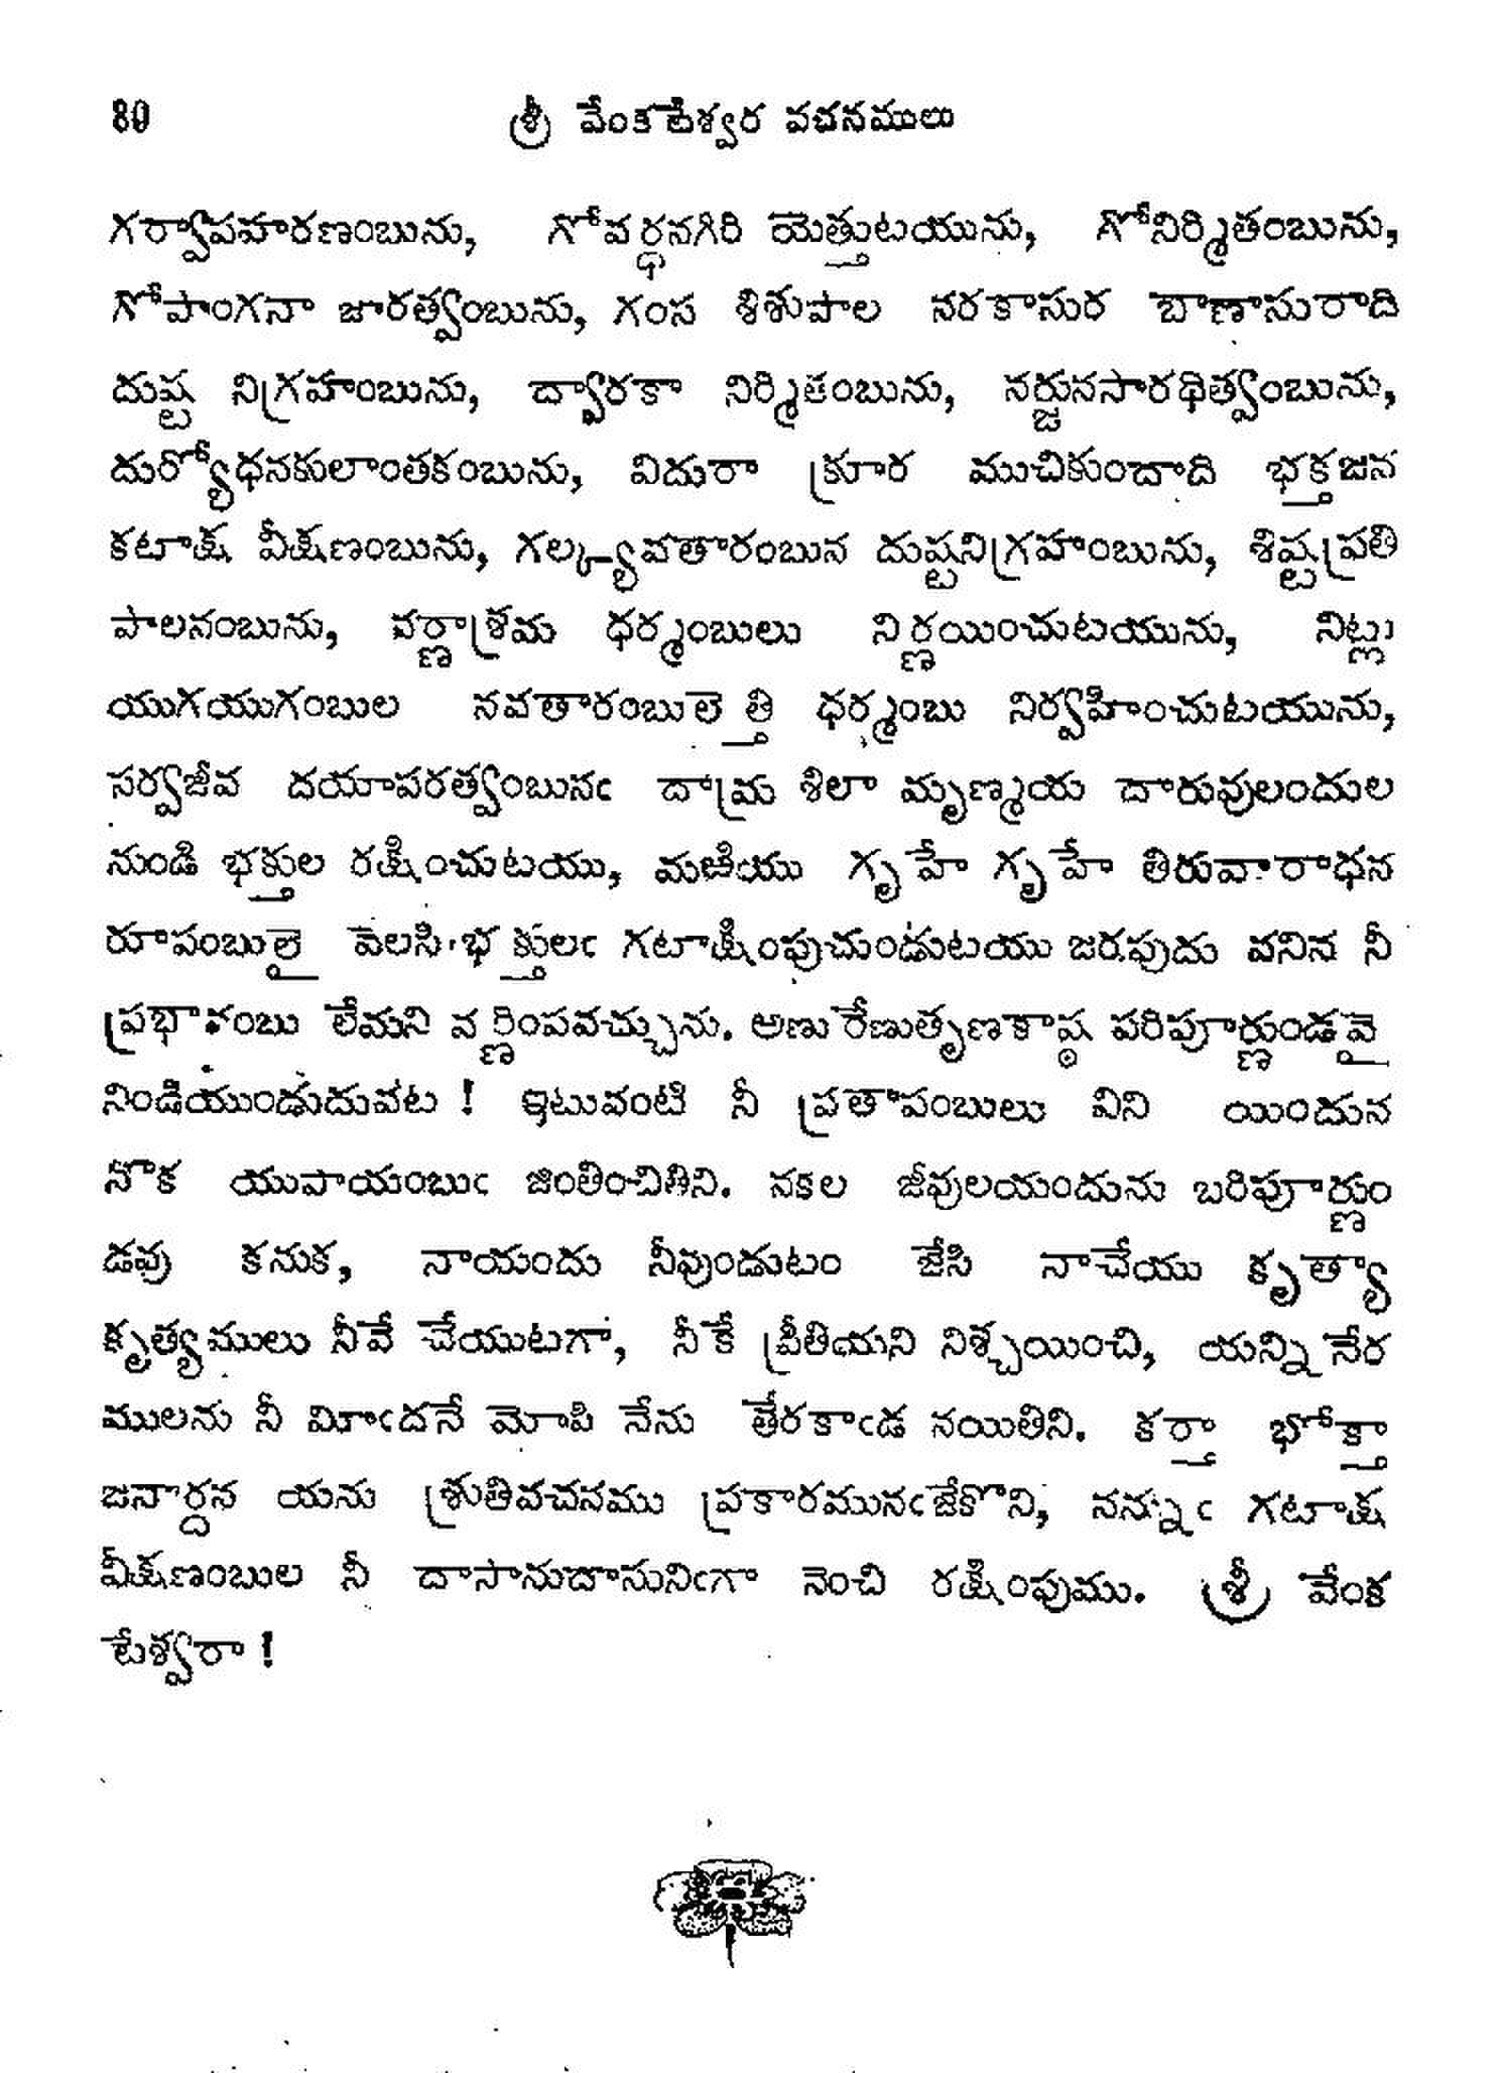గర్వాపహరణంబును, గోవర్ధనగిరి యెత్తుటయును, గోనిర్మితంబును, గోపాంగనా జారత్వంబును, గంస శిశుపాల నరకాసుర 'బాణాసురాది దుష్ట నిగ్రహంబును, ద్వారకా నిర్మితంబును,నర్జునసారథిత్వంబును, దుర్యోధనకులాంతకంబును, విదురా క్రూర ముచికుందాదీ భక్తజన కటాక్ష వీక్షణంబును,గల్క్యవతారంబున దుష్టనిగ్రహంబును, శిష్టప్రతి పాలనంబును, వర్ణాశ్రమ ధర్మంబులు నిర్ణయించుటయును, నిట్లు యుగయుగంబుల నవతారంబు లెత్తి ధర్మంబు నిర్వహించుటయును, సర్వజీవ దయాపరత్వంబునం దామ్ర శిలా మృణ్మయ దారువులందుల నుండి భక్తుల రక్షించుటయు, మఱియు గృహే గృహే తిరువారాధన రూపంబులై వెలసి భక్తులఁ గటాటింపుచుండుటయు జరపుదు వనిన నీ ప్రభావంబు లేమని వర్ణింపవచ్చును. అణు రేణుతృణకాష్ఠ పరిపూర్ణుండవై నిండియుండుదువట ! ఇటువంటి నీప్రతాపంబులు విని యిందున నొక యుపాయంబుఁ జింతించితిని. నకల జీవులయందును బరిపూర్ణుం డవు కనుక, నాయందు నీవుండుటం జేసి నాచేయు కృత్యా కృత్యములు నీవే చేయుటగా, నీకే ప్రీతియని నిశ్చయించి, యన్ని నేరములను నీ మీఁదనే మోపి నేను తేరకాఁడ నయితిని. కర్తా భోక్తా జనార్దన యను శ్రుతివచనము ప్రకారమునఁ జేకొని, నన్నఁ గటాక్ష వీక్షణంబుల నీ దాసానుదాసునిఁగా నెంచి రక్షింపుము. శ్రీ వేంకటేశ్వరా !